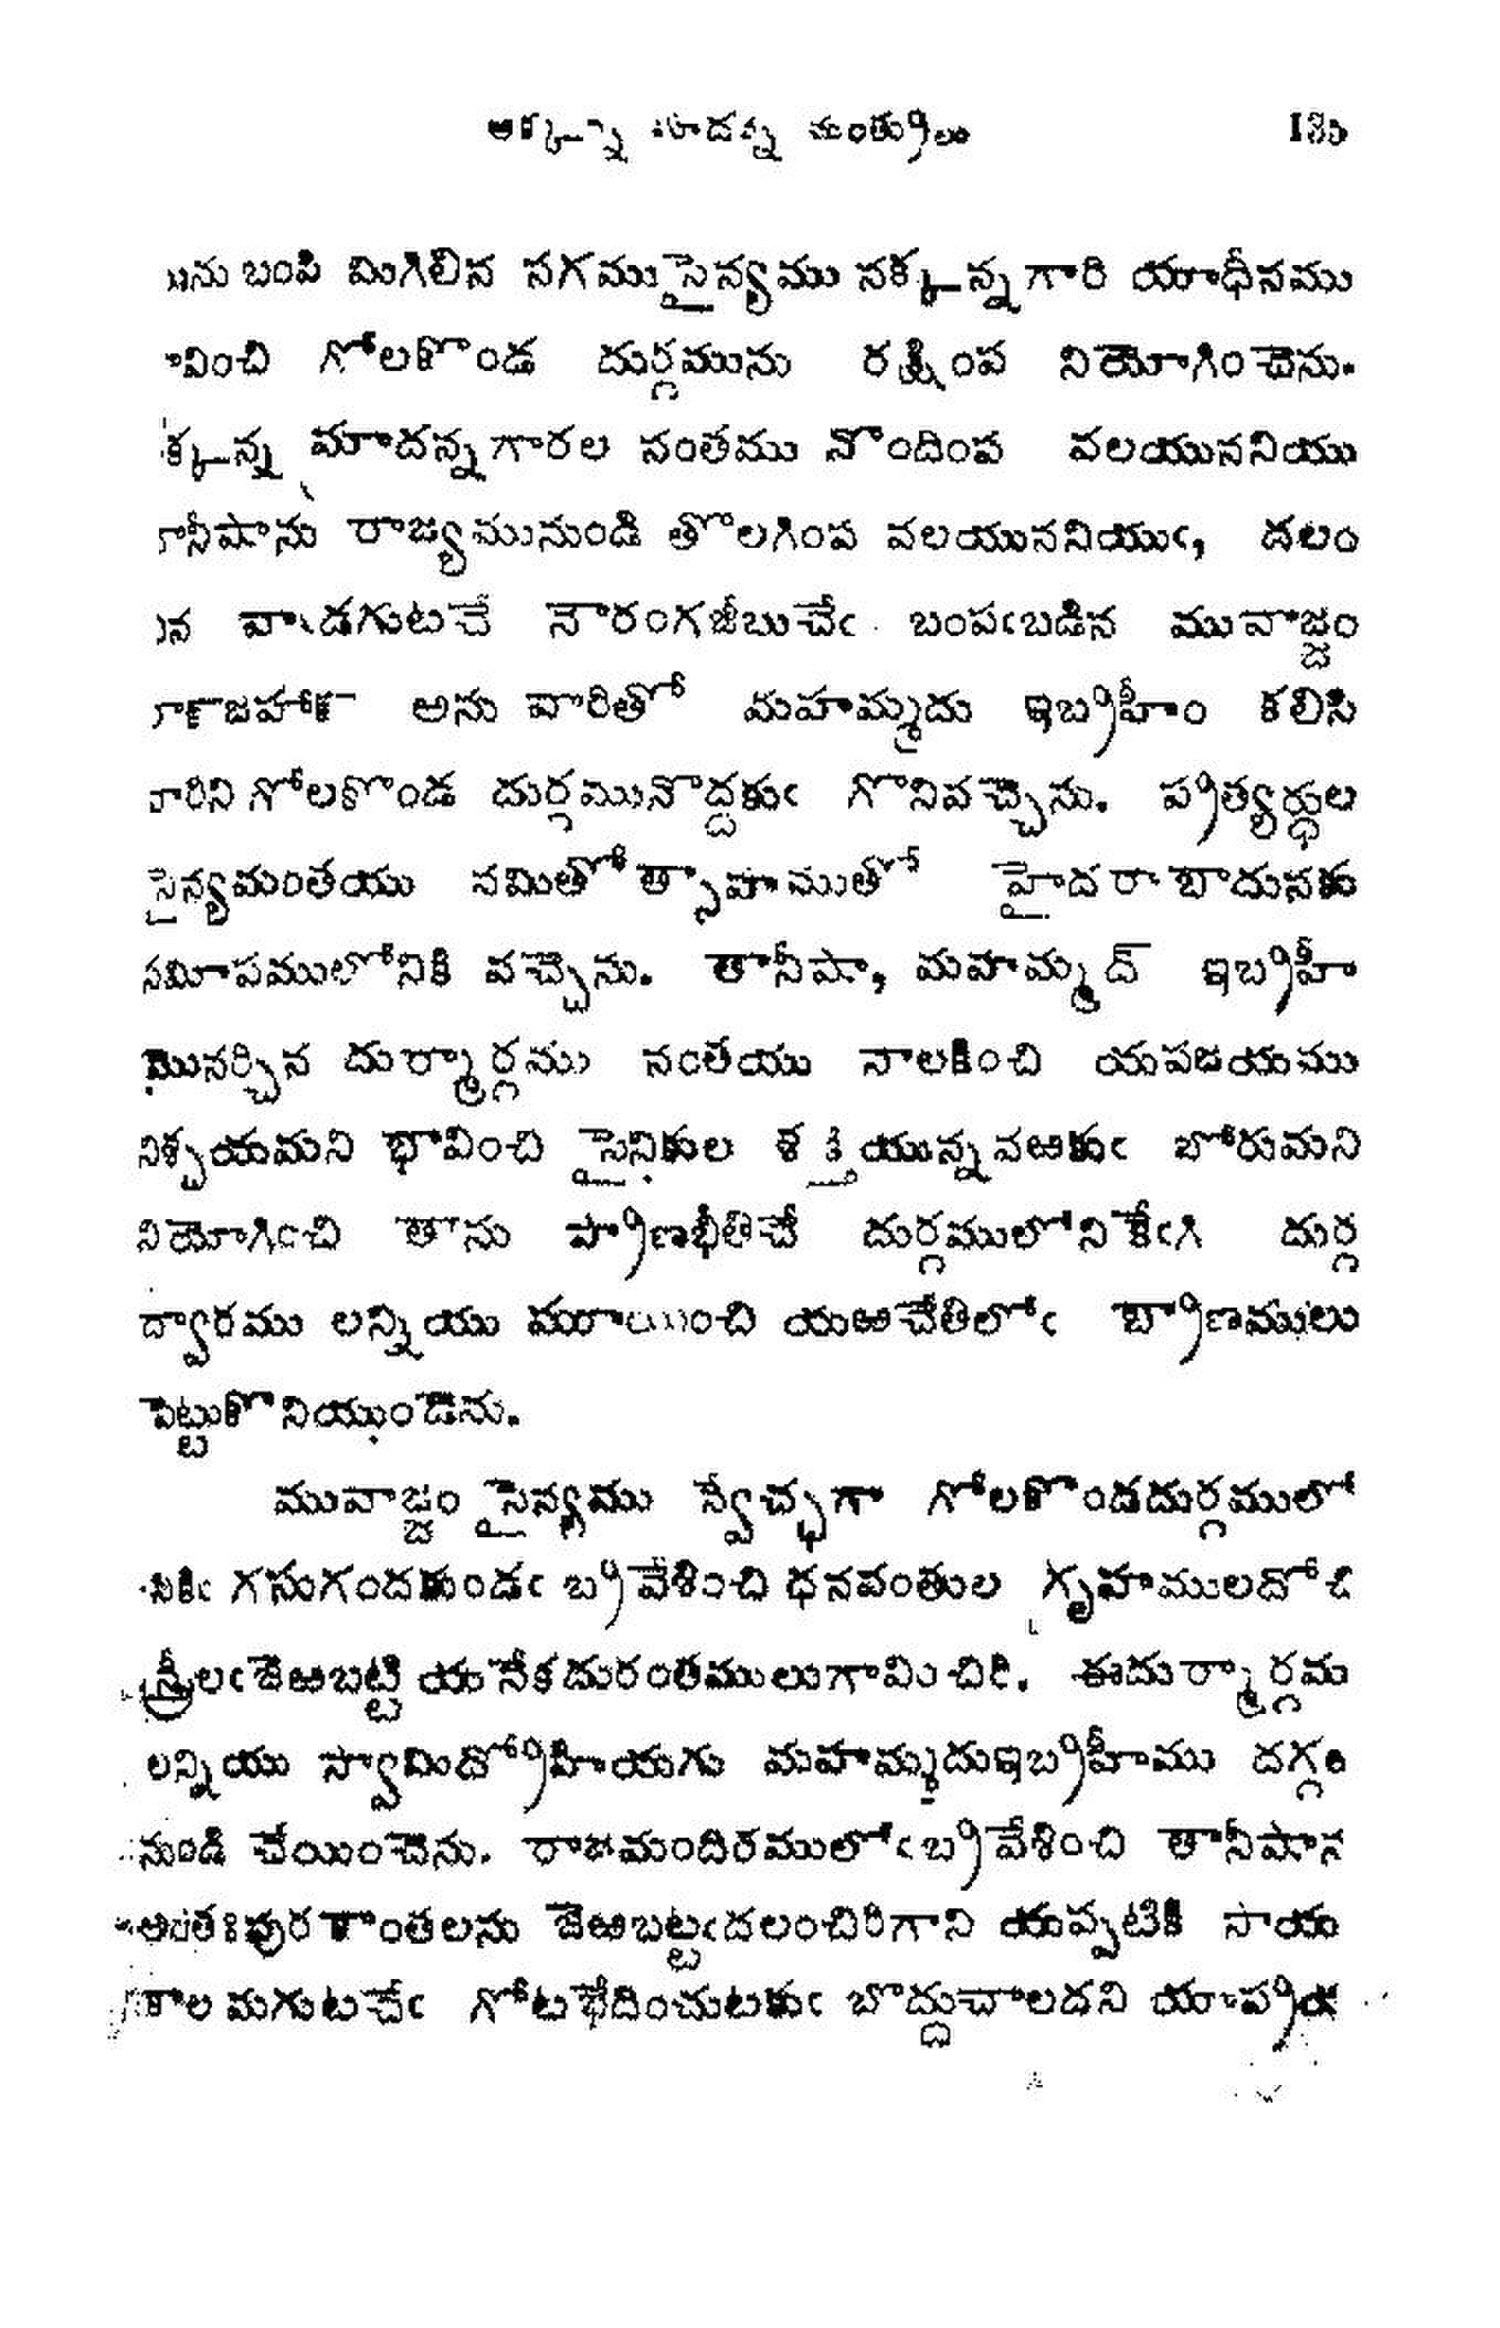మును బంపి మిగిలిన సగముసైన్యము నక్కన్నగారి యాధీనము గావించి గోలకొండ దుర్గమును రక్షింప నియోగించెను. అక్కన్న మాదన్నగారల నంతము నొందింప వలయుననియు తానీషాను రాజ్యమునుండి తొలగింప వలయుననియు, దలంచిన వాడగుటచే నౌరంగజీబుచే బంపబడిన మువాజ్జంరాన్‌జహాన్ అనువారితో మహమ్మదు ఇబ్రహీం కలిసి వారిని గోలకొండ దుర్గమునొద్దకు గొనివచ్చెను. ప్రత్యర్థుల సైన్యమంతయు నమితోత్సాహముతో హైదరాబాదునకు సమీపములోనికి వచ్చెను. తానీషా, మహమ్మద్ ఇబ్రహీ మొనర్చిన దుర్మార్గము నంతయు నాలకించి యపజయము నిశ్చయమని భావించి సైనికుల శక్తియున్నవఱకు బోరుమని నియోగించి తాను ప్రాణభీతిచే దుర్గములోనికేగి దుర్గద్వారము లన్నియు మూయించి యఱచేతిలో బ్రాణములు పెట్టుకొని యుండెను.

మువాజ్జం సైన్యము స్వేచ్ఛగా గోలకొండ దుర్గములోనికి గసుగందకుండ బ్రవేశించి ధనవంతుల గృహములదోచి స్త్రీల జెఱబట్టి యనేక దురంతములు గావించిరి. ఈదుర్మార్గములన్నియు స్వామిద్రోహియగు మహమ్మదు ఇబ్రహీము దగ్గరనుండి చేయించెను. రాజ మందిరములో బ్రవేశించి తానీషాను అంత:పురకాంతలను జెఱబట్టదలంచిరి గాని యప్పటికి సాయంకాలమగుటచే గోటభేదించుటకు బొద్దుచాలదని యాప్రయ